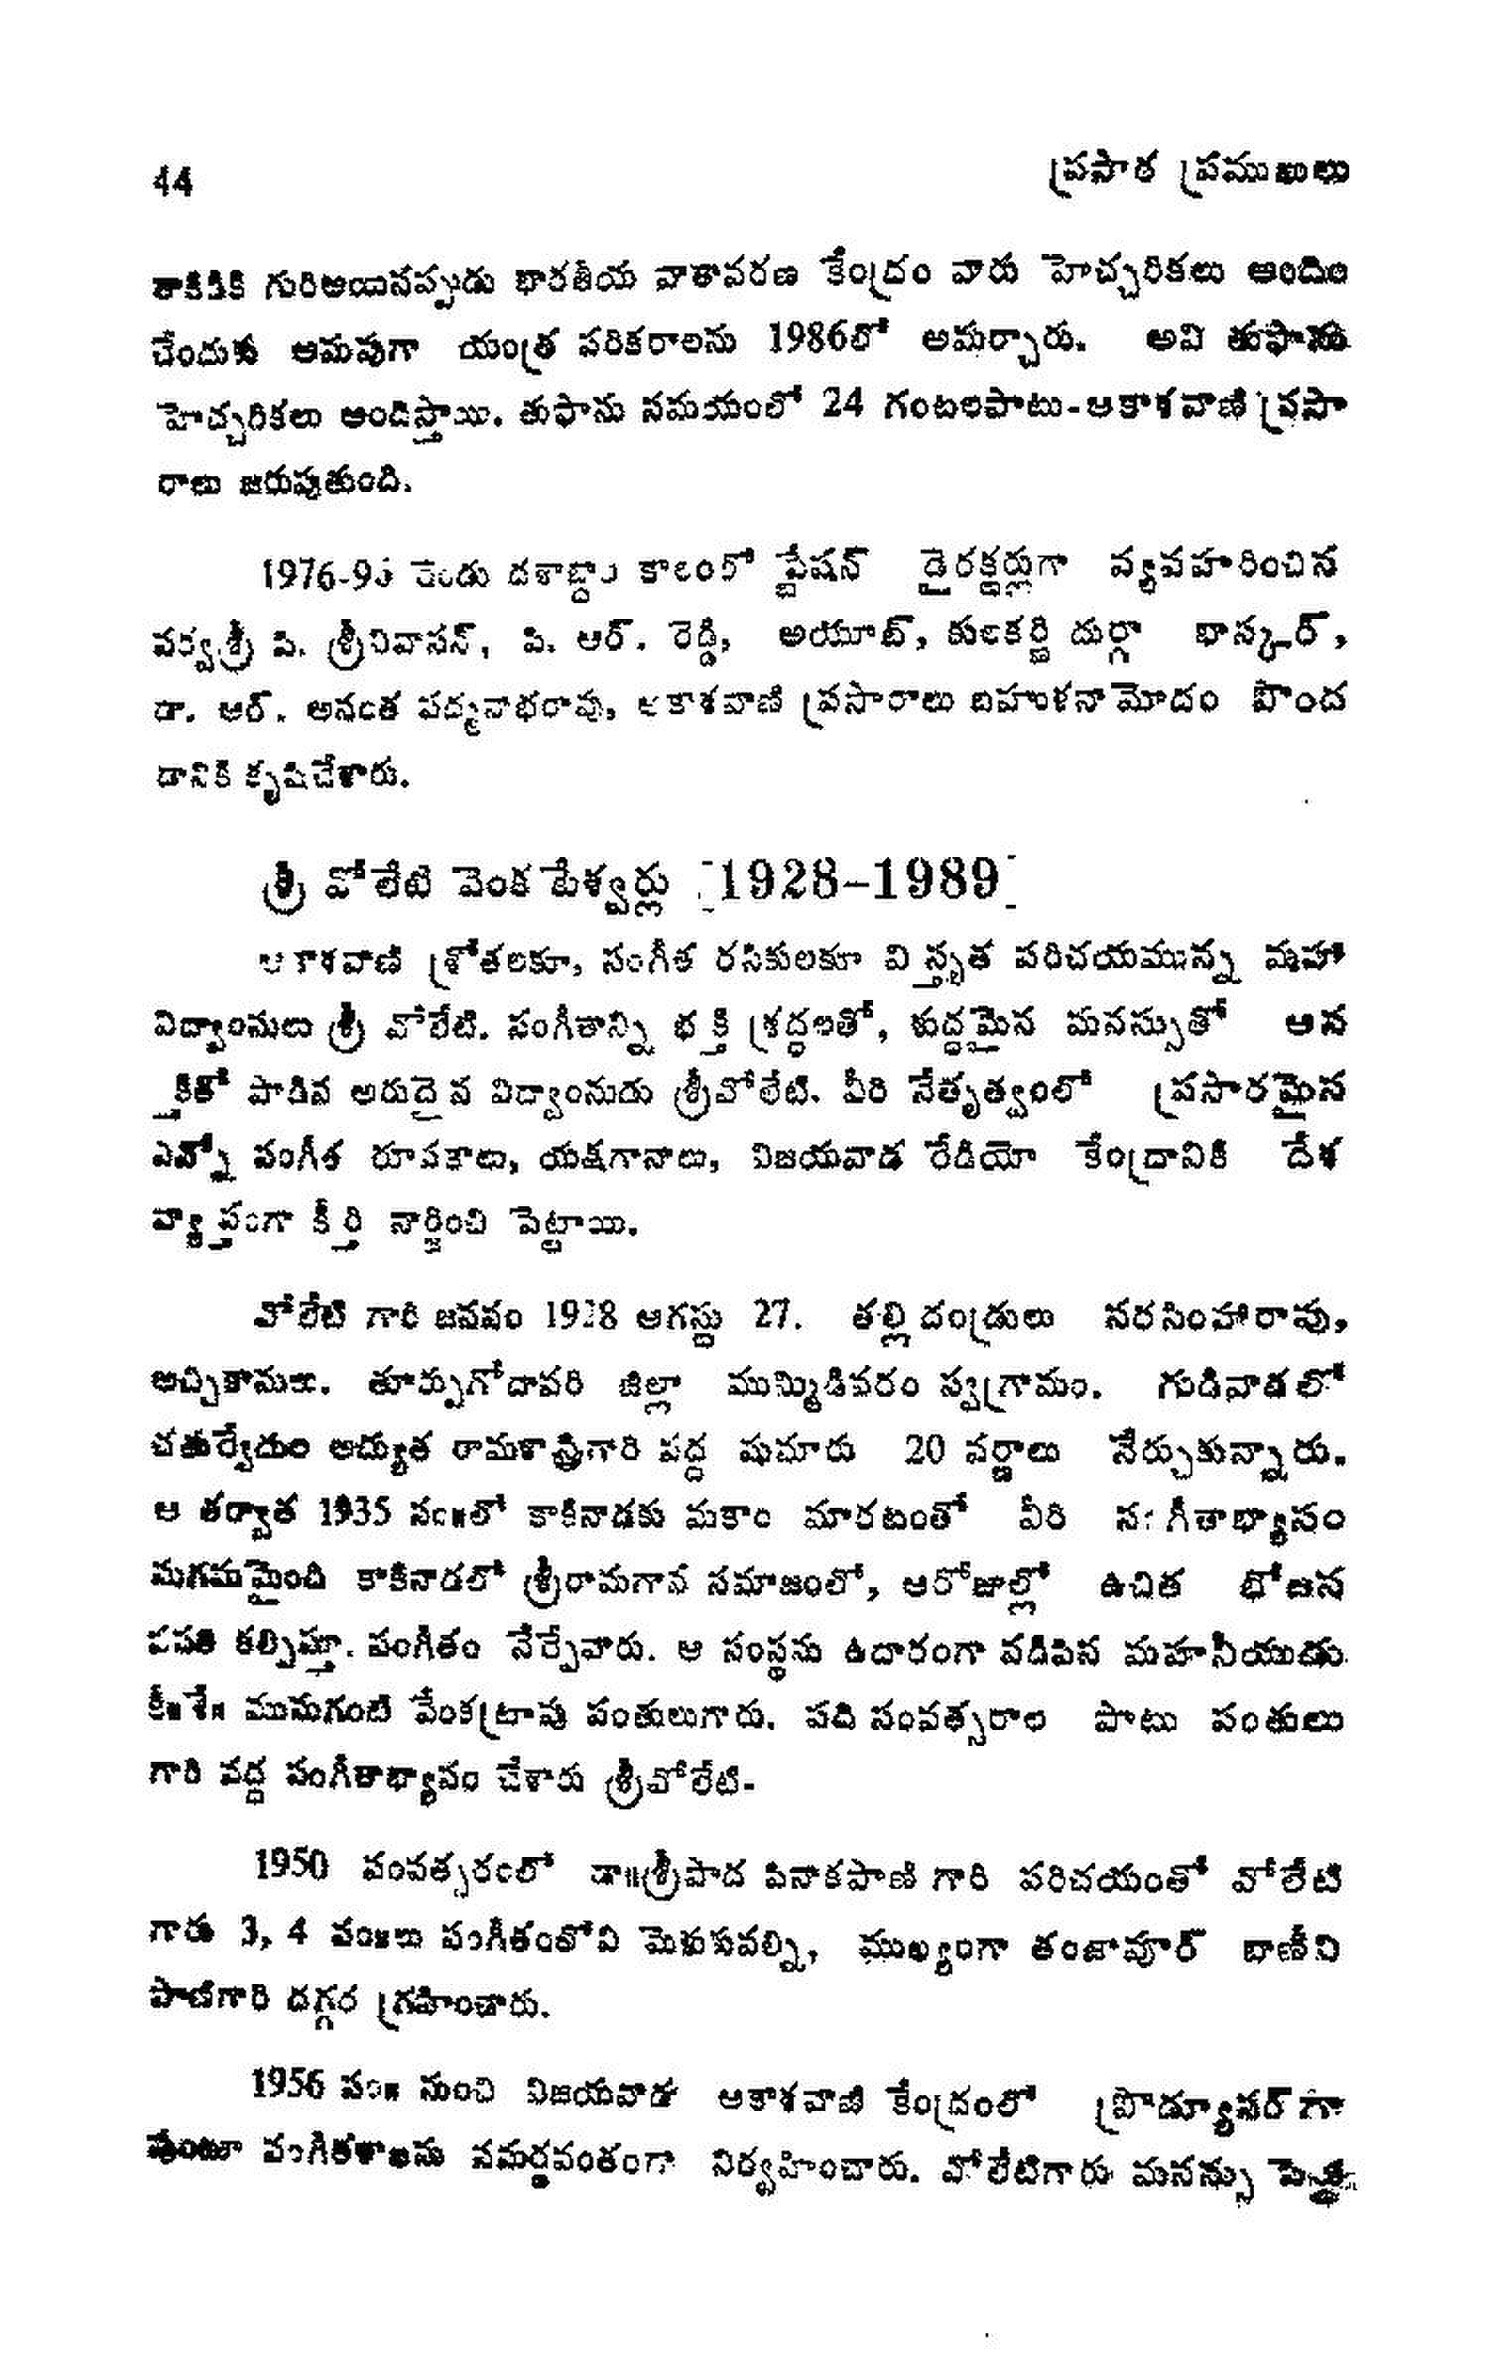తాకిడికి గురిఅయినప్పుడు భారతీయ వాతావరణ కేంద్రం వారు హెచ్చరికలు అందించేందుకు అనువుగా యంత్ర పరికరాలను 1986లో అమర్చారు. అవి తుఫాను హెచ్చరికలు అందిస్తాయి. తుఫాను సమయంలో 24 గంటలపాటు - ఆకాశవాణి ప్రసారాలు జరుపుతుంది.

1976-96 రెండు దశాబ్దాల కాలంలో స్టేషన్ డైరక్టర్లుగా వ్యవహరించిన సర్వశ్రీ పి. శ్రీనివాసన్, సి.ఆర్. రెడ్డి, అయూబ్, కులకర్ణి దుర్గా భాస్కర్, డా. ఆర్. అనంత పద్మనాభరావు, ఆకాశవాణి ప్రసారాలు బహుళనా మోదం పొందడానికి కృషిచేశారు.

ఆకాశవాణి శ్రోతలకు, సంగీత రసికులకూ విస్తృత పరిచయమున్న మహా విద్వాంసులు శ్రీ వోలేటి. సంగీతాన్ని భక్తి శ్రద్ధలతో, శుద్ధమైన మనస్సుతో ఆసక్తితో పాడిన అరుదైన విద్వాంసుడు శ్రీవోలేటి. వీరి నేతృత్వంలో ప్రసారమైన ఎన్నో సంగీత రూపకాలు, యక్షగానాలు, విజయవాడ రేడియో కేంద్రానికి దేశవ్యాప్తంగా కీర్తి నార్జించి పెట్టాయి.

వోలేటి గారి జననం 1918 ఆగస్టు 27. తల్లిదండ్రులు నరసింహారావు, అచ్చికామలు. తూర్పుగోదావరి జిల్లా ముమ్మిడివరం స్వగ్రామం. గుడివాడలో చతుర్వేదుల అచ్యుత రామశాస్త్రిగారి వద్ద సుమారు 20 వర్ణాలు నేర్చుకున్నారు. ఆ తర్వాత 1935 సం||లో కాకినాడకు మకాం మారటంతో వీరి సంగీతాభ్యాసం సుగమమైంది. కాకినాడలో శ్రీరామగాన సమాజంలో, ఆరోజుల్లో ఉచిత భోజన వసతి కల్పిస్తూ, సంగీతం నేర్పేవారు. ఆ సంస్థను ఉదారంగా నడిపిన మహనీయుడు కీ||శే|| మునుగంటి వేంకట్రావు పంతులుగారు. పది సంవత్సరాల పాటు పంతులుగారి వద్ద సంగీతాభ్యాసం చేశారు. శ్రీవోలేటి.

1950 సంవత్సరంలో డా||శ్రీపాద పినాకపాణి గారి పరిచయంతో వోలేటిగారు 3,4 సం||లు సంగీతంలోని మెళుకువల్ని, ముఖ్యంగా తంజావూర్ బాణీని పాణిగారి దగ్గర గ్రహించారు.

1956 సం|| నుంచి విజయవాడ కేంద్రంలో ప్రొడ్యూసర్‌గా వుంటూ సంగీతశాఖను సమర్థవంతంగా నిర్వహించారు. వోలేటిగారు మనస్సు పెట్టి